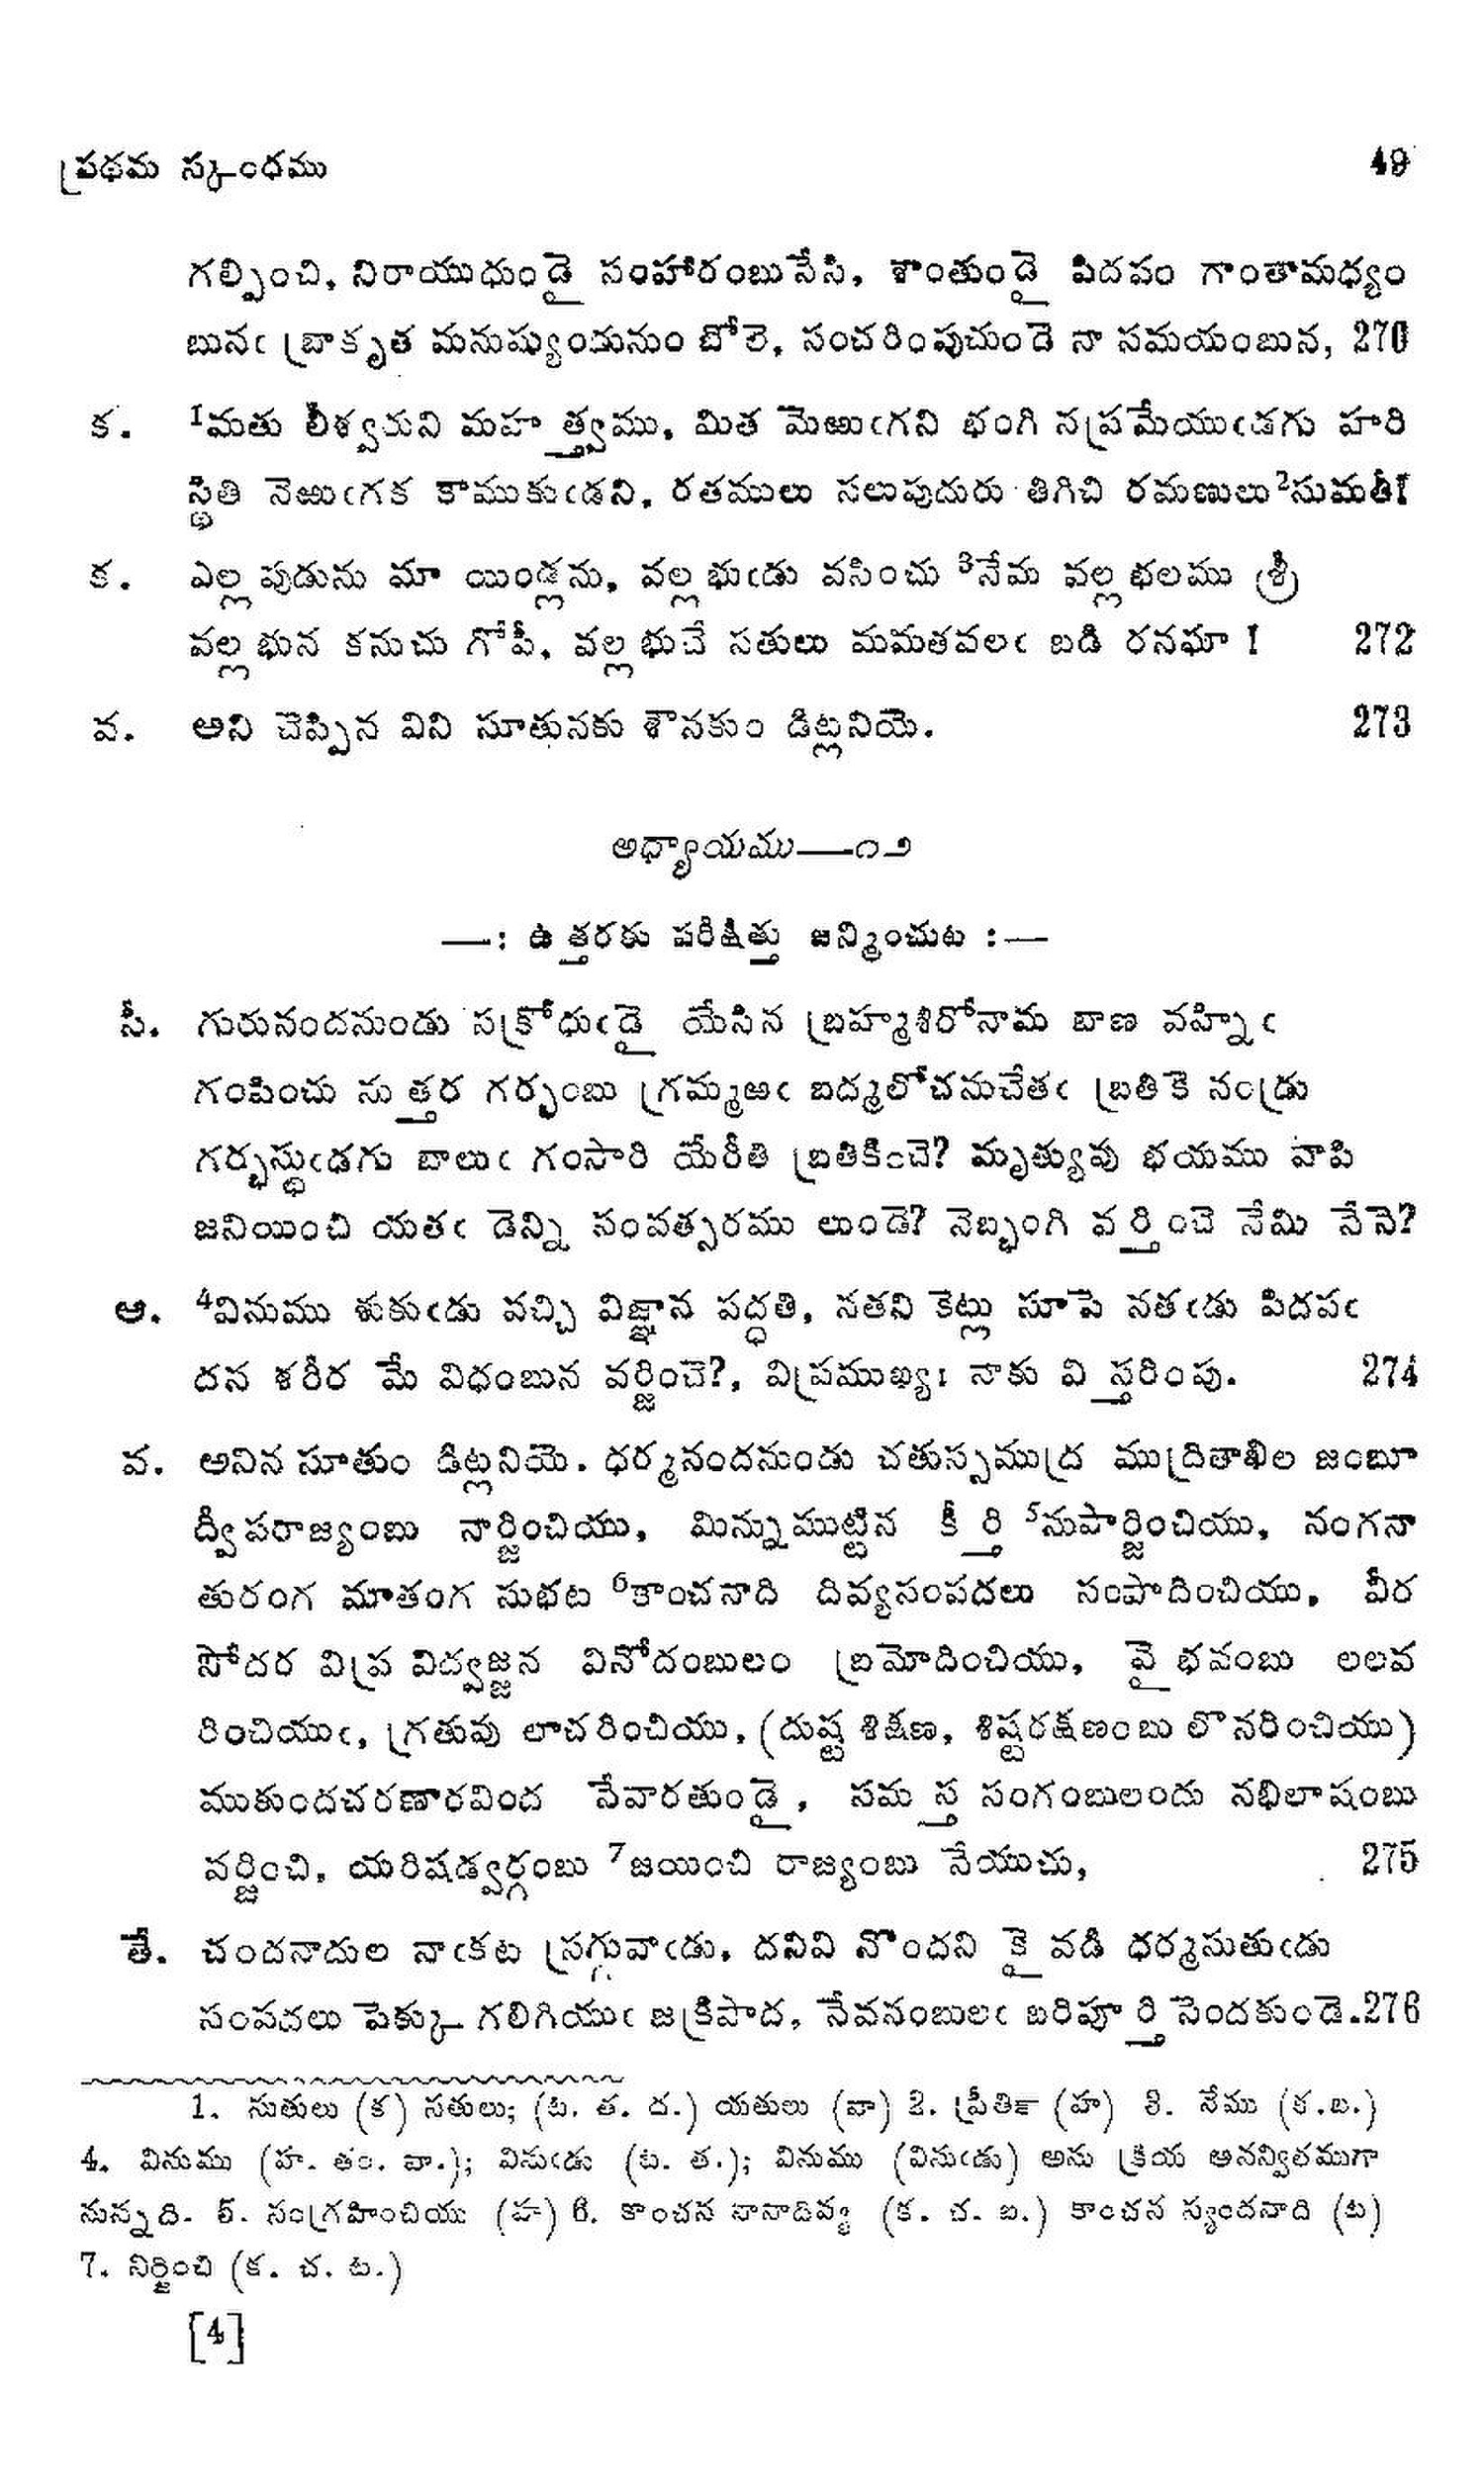49

గల్పించి, నిరాయుధుండై సంహారంబుసేసి, శాంతుండై పిదపం గాంతామధ్యంబునఁ

బ్రాకృత మనుష్యుండునుం బోలె, సంచరింపుచుండె నా సమయంబున. 270

క.

మతు లీశ్వరుని మహత్వ్తము

మిత మెఱుఁగని భంగి నప్రమేయుఁడగు హరి

స్థితి నెఱుఁగక కాముకుఁడని

రతములు సలుపుదురు తిగిచి రమణులు సుమతీ! 271

క.

ఎల్లపుడును మా యిండ్లను

వల్లభుఁడు వసించు మేమ వల్లభలము శ్రీ

వల్లభున కనుచు గోపీ

వల్లభుచే సతులు మమతవలఁబడి రనఫూ! 272

వ.

అని చెప్పిన విని సూతునకు శౌనకుం డిట్లనియె. 273

సీ. గురునందనుడు సక్రోధుఁ డై యేసిన బ్రహ్మశిరోనామ బాణ వహ్నిఁ
 
గుంపించు నుత్తర గర్భంబు గ్రమ్మఱుఁ బద్మలోచనుచేతఁ బ్రతికె సండ్రు

గర్భస్థుఁడగు బాలు గంసారి యేరితి బ్రతికించె? మృత్యువు భయము వాపి

జనియించి యతుఁడెన్ని సంవత్సరము లుండె? నెబ్భంగి వర్తించె నేమి సేసె?

ఆ. వినుము శుకుడు వచ్చి విజ్ఞాన, నతని కెట్లు సూపె నతఁడు పిదపఁ

దన శరీర మే విధంబున వర్జించె? విప్రమ్ముఖ్య! నాకు విస్తరింపు.(1-274)

వ. అనిన సూతుండు డిట్ల్నియె.ధర్మనందనుడు చతుస్సముద్ర ముద్రితాఖిల జంబూద్వీపరాజ్యంబు నార్జించియు,మిన్నుముట్టిన కీర్తి నుపార్జించియు,నంగనాతురంగ మాతంగ సుభట కాంచనాది దివ్యసంపదలు సంపాదించియు,వీరసోదర విప్ర విద్వజ్జన వినోదంబులం బ్రమోదించియు,వైభవంబు లలవరించియుఁ,గ్రతువు లాచరించియు,(దుష్ట శిక్షణ,శిష్టరక్షణంబు లొనరించియు) ముకుంద చరణారవింద సేవారతుండై,సమస్త సంగంబులంచు నభిలాషంబు వర్జించి,యరిషడ్వార్గంబు జయించి రాజ్యంబు సేయుచు.(1-275)

తే. చందనాల నాఁకట స్రగ్గువాఁడు,దనివి నొందని కైవడి ధర్మసుతుడు

సంపదలు పెక్కుగలిగియుఁ,జక్రిపాద,సేవనంబులఁబరిపూర్తి సెందకుండె.(1-276)